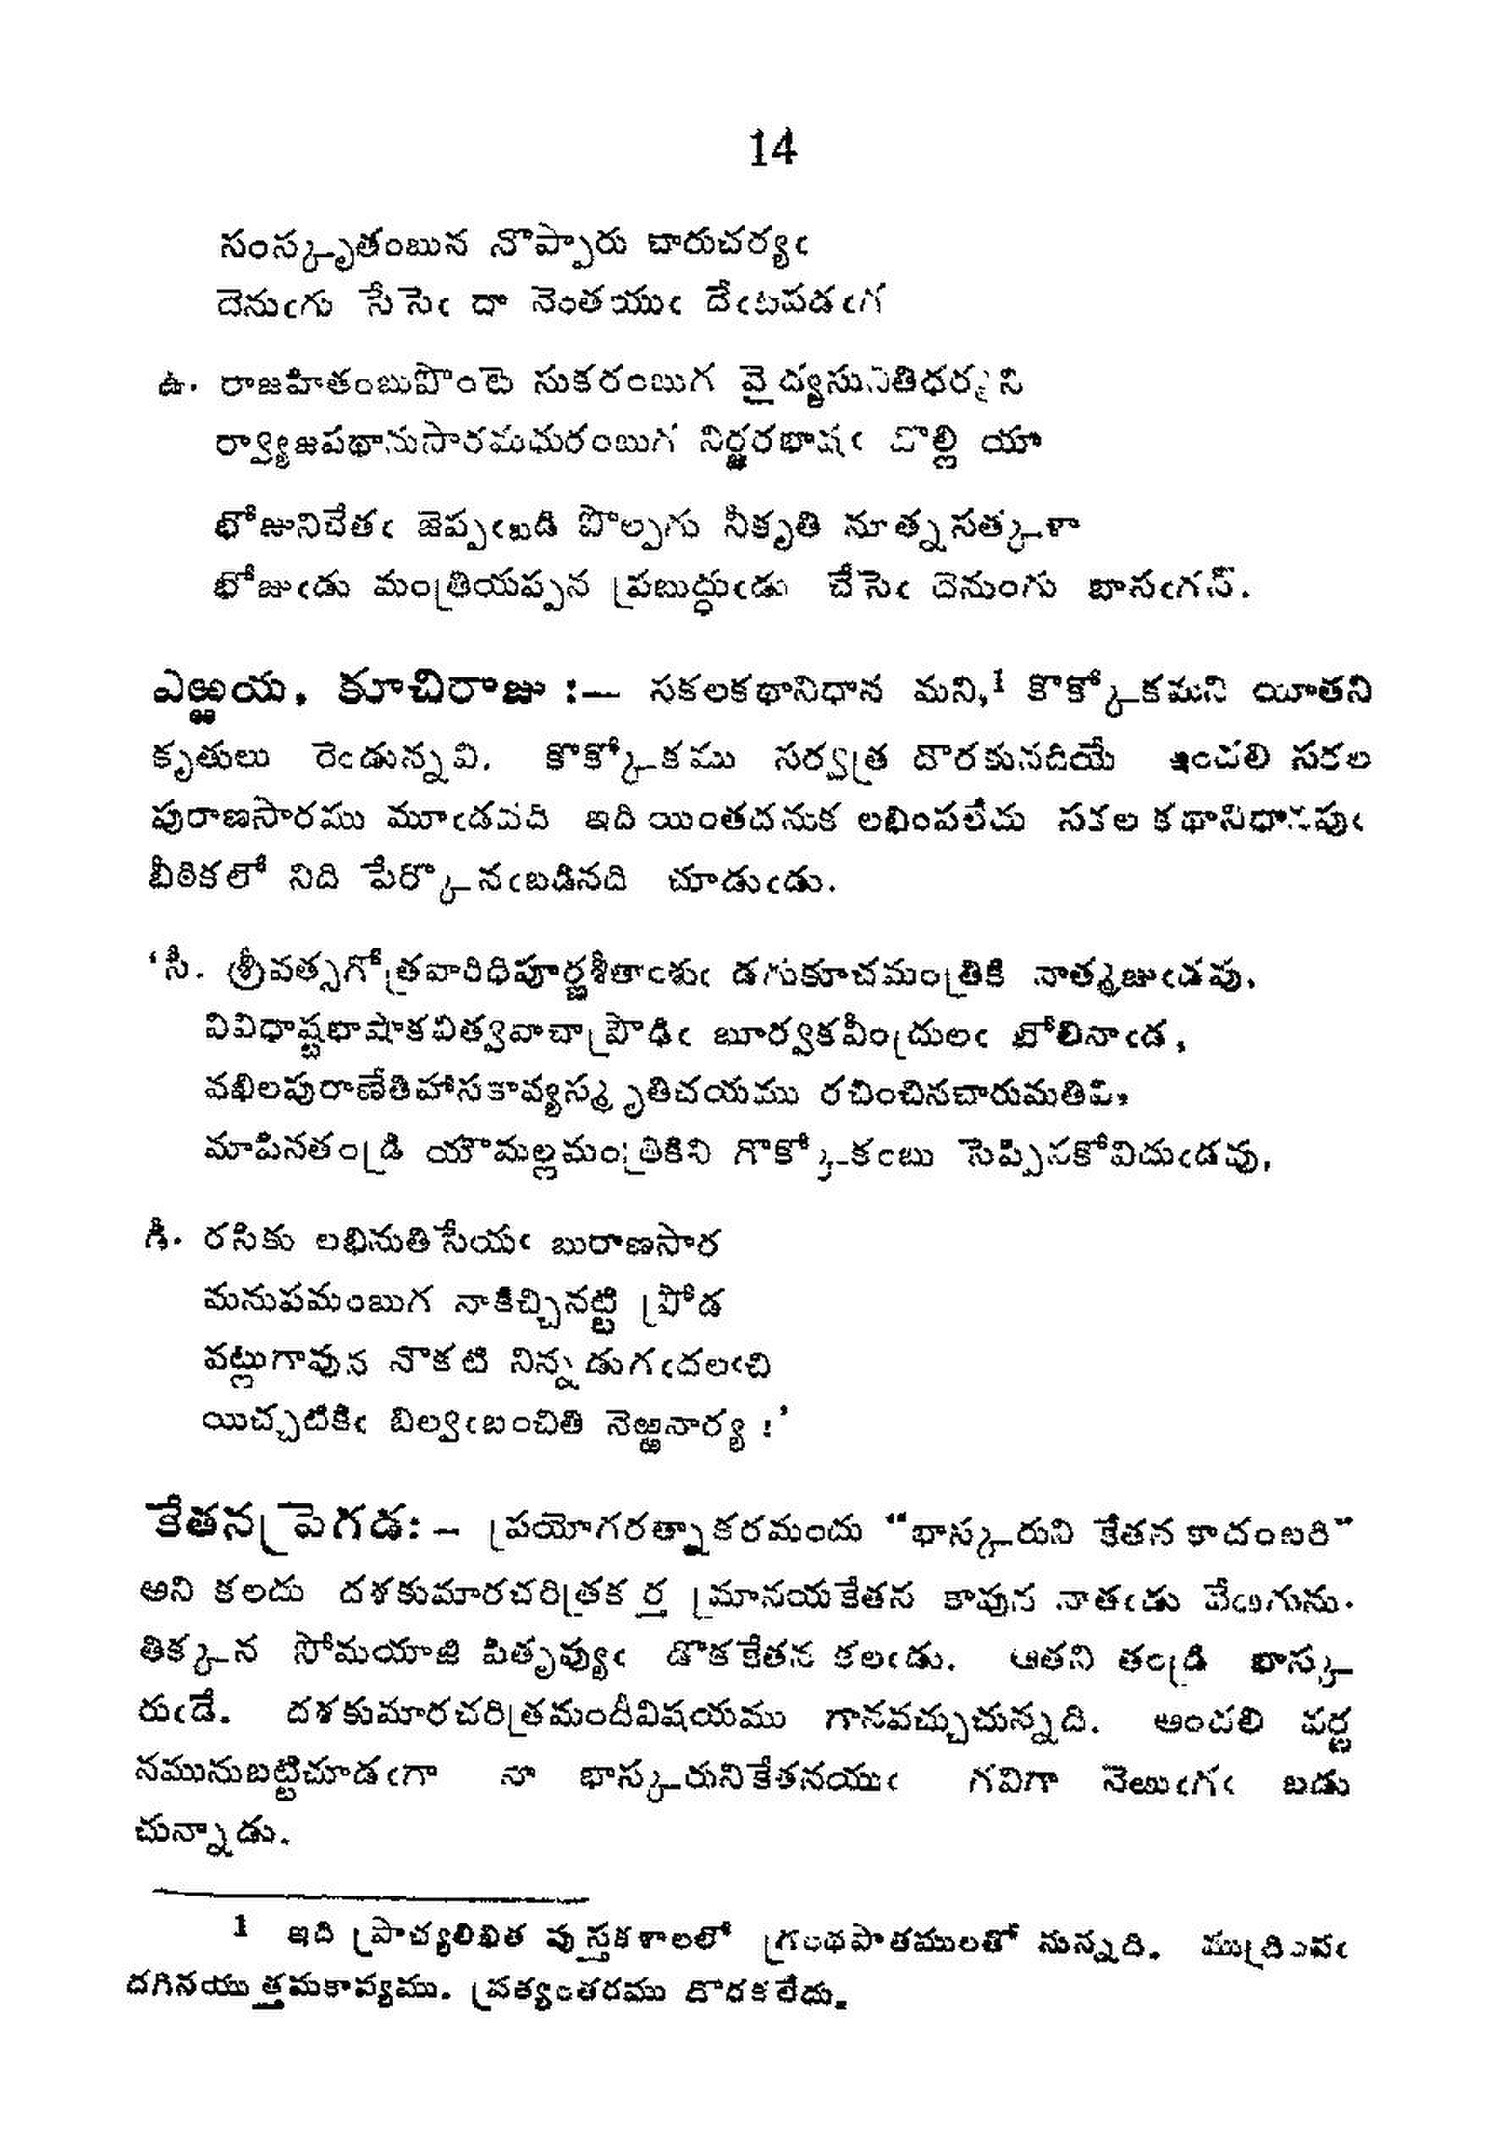సంస్కృతంబున నొప్పారు చారుచర్యఁ
 దెనుఁగు సేసేఁ దా నెంతయుఁ దేఁటపడఁగ.

ఉ. రాజహితంబుపొంటె సుకరంబుగ వైద్యసునీతిధర్మని
 ర్వ్యాజపథానుసారమధురంబుగ నిర్జరభాషఁ దొల్లి యా 
 భోజునిచేతఁ జెప్పఁబడి పొల్పగు నీకృతి నూత్నసత్కళా
 భోజుఁడు మంత్రియప్పన ప్రబుద్ధుఁడు చేసెఁ దెనుంగు బాసఁగన్. 

ఎఱ్ఱయ, కూచిరాజు :-- సకలకథానిధాన మని, కొక్కోకమని యీతని కృతులు రెండున్నవి. కొక్కోకము సర్వత్ర దొరకునదియే ఇందలి సకలపురాణసారము మూఁడవది. ఇది యింతదనుక లభింపలేదు. సకలకథానిధానపు బీఠికలో నిది పేర్కొ నఁబడినది. చూడుఁడు.

'సీ. శ్రీవత్సగోత్రవారిధిపూర్ణశీతాంశుఁ డగుకూచమంత్రికి నాత్మజుఁడవు,
 వివిధాష్టభాషాకవిత్వవాచాప్రౌఢిఁ బూర్వకవీంద్రులఁ బోలినాఁడ, 
 వఖిలపురాణేతిహాసకావ్యస్మృతిచయము రచించిన చారుమతివి,
 మాపినతండ్రి యౌ మల్లమంత్రికిని గొక్కోకంబు సెప్పినకోవిదుఁడవు, 
గీ. రసికు లభినుతి సేయఁ బురాణసార
 మనుపమంబుగ నాకిచ్చినట్టి ప్రోడ 
 వట్లుగావున నొకటి నిన్నడుగఁదలఁచి 
 యిచ్చటికిఁ బిల్వఁబంచితి నెఱ్ఱనార్య'

కేతనప్రెగడ: - ప్రయోగరత్నాకరమందు “భాస్కరుని కేతన కాదంబరి" అని కలదు దశకుమారచరిత్రకర్త మ్రానయ కేతన కావున నాతఁడు వేఱగును. తిక్కన సోమయాజి పితృవ్యుఁ డొక కేతన కలఁడు. అతని తండ్రి భాస్కరుఁడే. దశకుమారచరిత్రమం దీవిషయము గానవచ్చుచున్నది. అందలి వర్ణనమునుబట్టి చూడఁగా నా భాస్కరునికేతనయుఁ గవిగా నెఱుగఁబడుచున్నాడు.